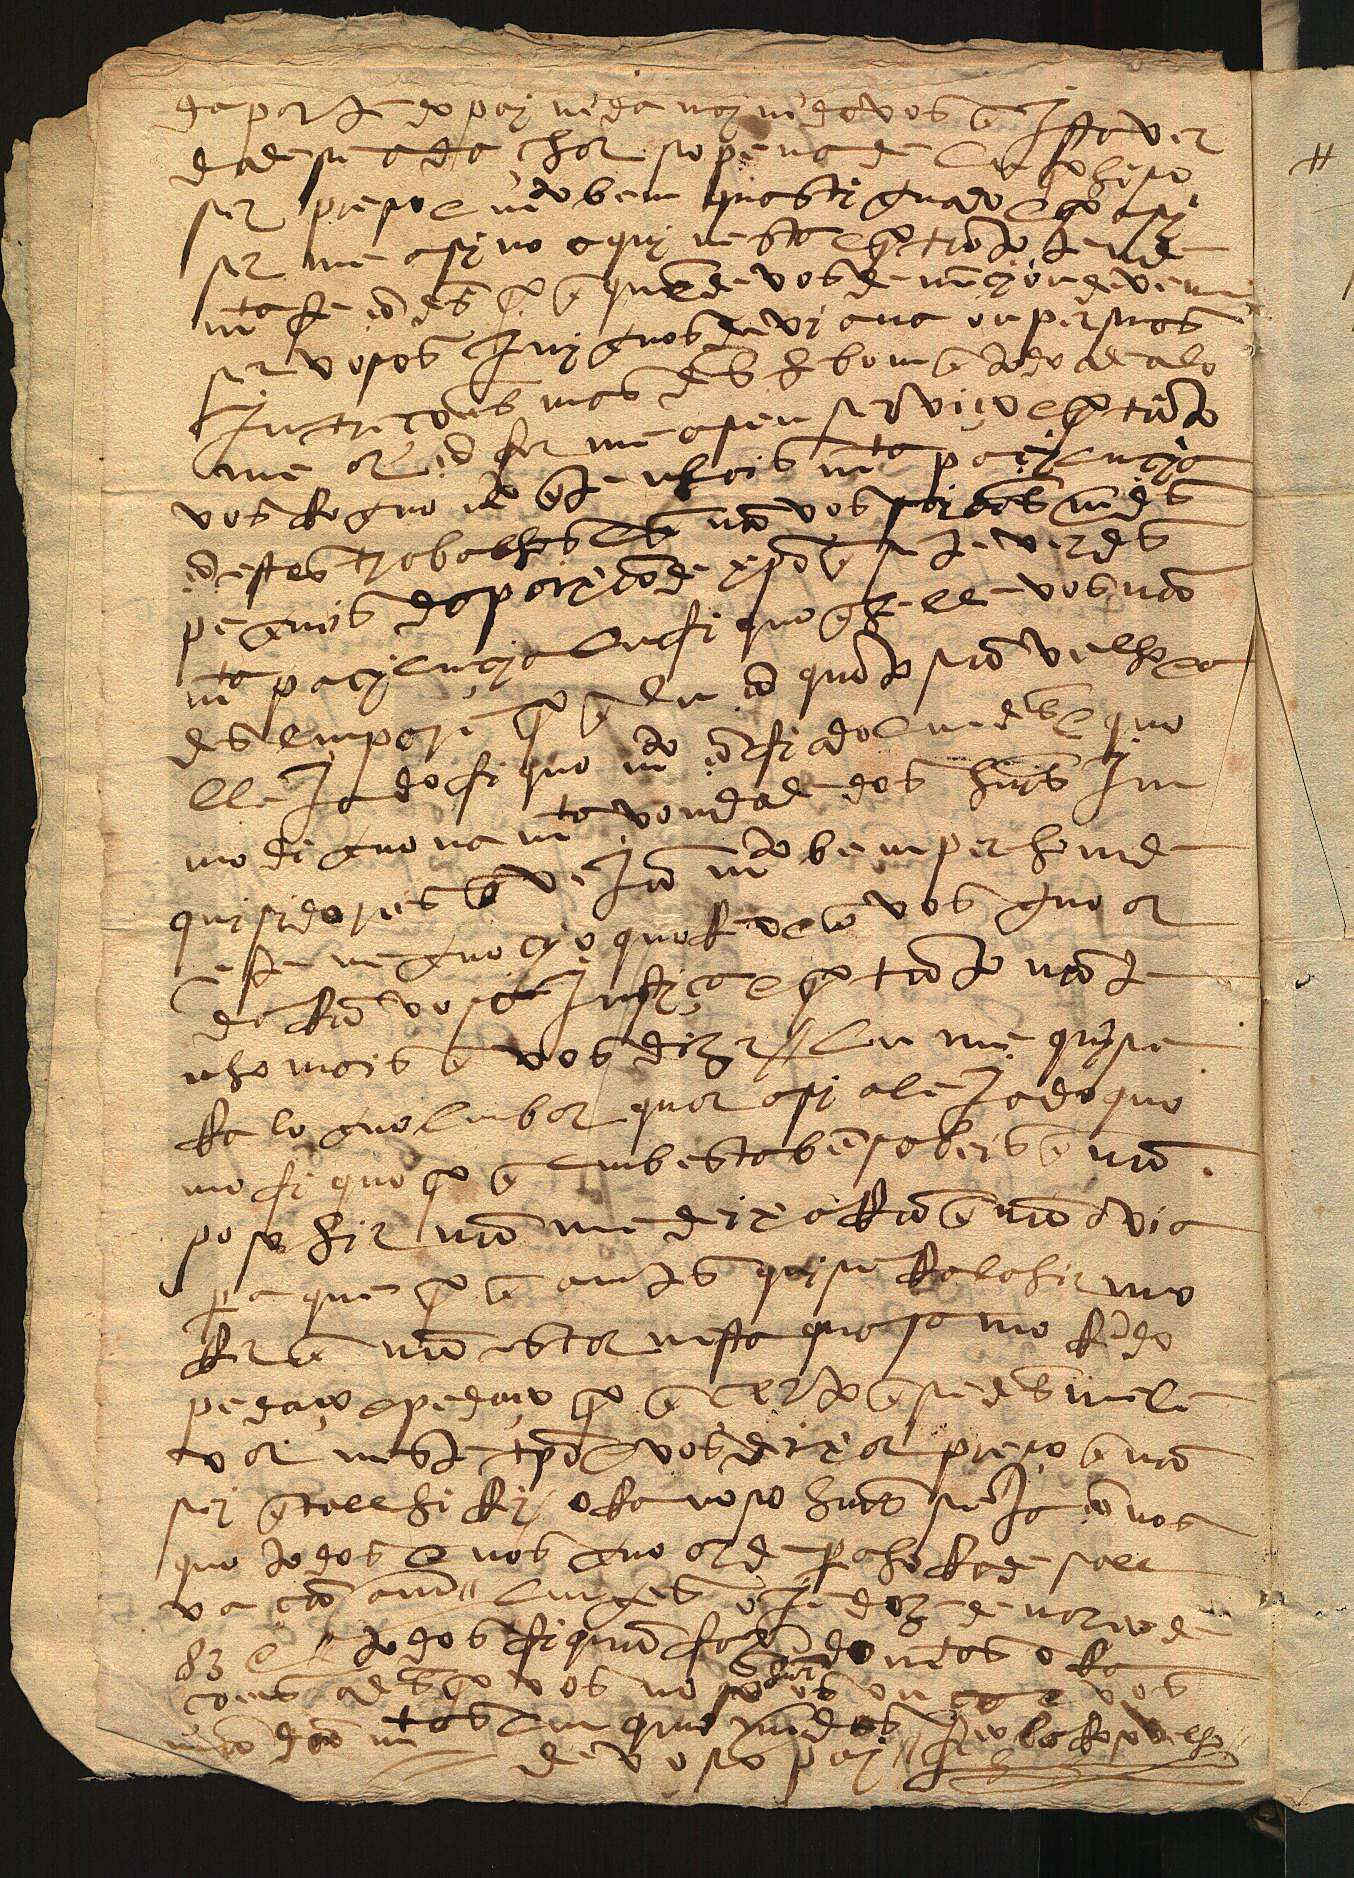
da parte do paj nē da may nē davos q̄ Jsta ver
dade se a dachar so pena de eu p̄o heso
ser preso e mto bem quastyguado e p̄o asy
ser me asyno aquy nesta e p̄otāto tende
mta fe cō des̄ p̄oq̄ quē de vos denucyou devem
ser vosos Jmyguos de vyana ou per suas
Jntreções mas des̄ he bom q̄ todo ade alo
mear cōforme a seu serviço e p̄otāto
vos Roguo mto q̄ tenhais mta pacyencya
cō estes trabalhos e q̄ nā vos sayaes nē des
pegueis da paixā de xpō q̄ se teverdes
mta pacyencya eu fiquo q̄ helle vos nā
desempare p̄oq̄ eu cōquāto sā velho e a
lleJado fiquo mto cōfiado em des̄ e quo
mo diguo na mta vondade dos Snōs Jm
quisidores q̄ veJā mto bem per honde
este neguocyo quoRe e q̄ vos guoar
daRā vosa Justyça e p̄otāto nā te
nho mais q̄ vos dizer // Eu me quyse
Ra loguo embarquar asy aleJado quo
mo fiquo p̄oq̄ em besta bē sabeis q̄ nā
poso hir nā me deixaRā q̄ nā avia
ꝑa que p̄oq̄ antes quiseRa la hir mo
Rer q̄ nā esta nesta quasa moRēdo
pedaço e pedaço p̄oq̄ certo q̄ se des̄ me le
var neste tpō e vos deixar preso q̄ nā
sey q̄ tall hiRey / oRa noso Senōr seJa cōnos
quo todos e nos guoarde ꝑ a hoRa de sall
vaçā am̄ // Em ges oJe doze de março de
83 ā // todos fiquā fazēdo mtas oRa
çoens a des̄ p̄o vos noso Sōr os ouça e vos
mādā mtas emquomēdas
de voso pay
frco baRoso velho
